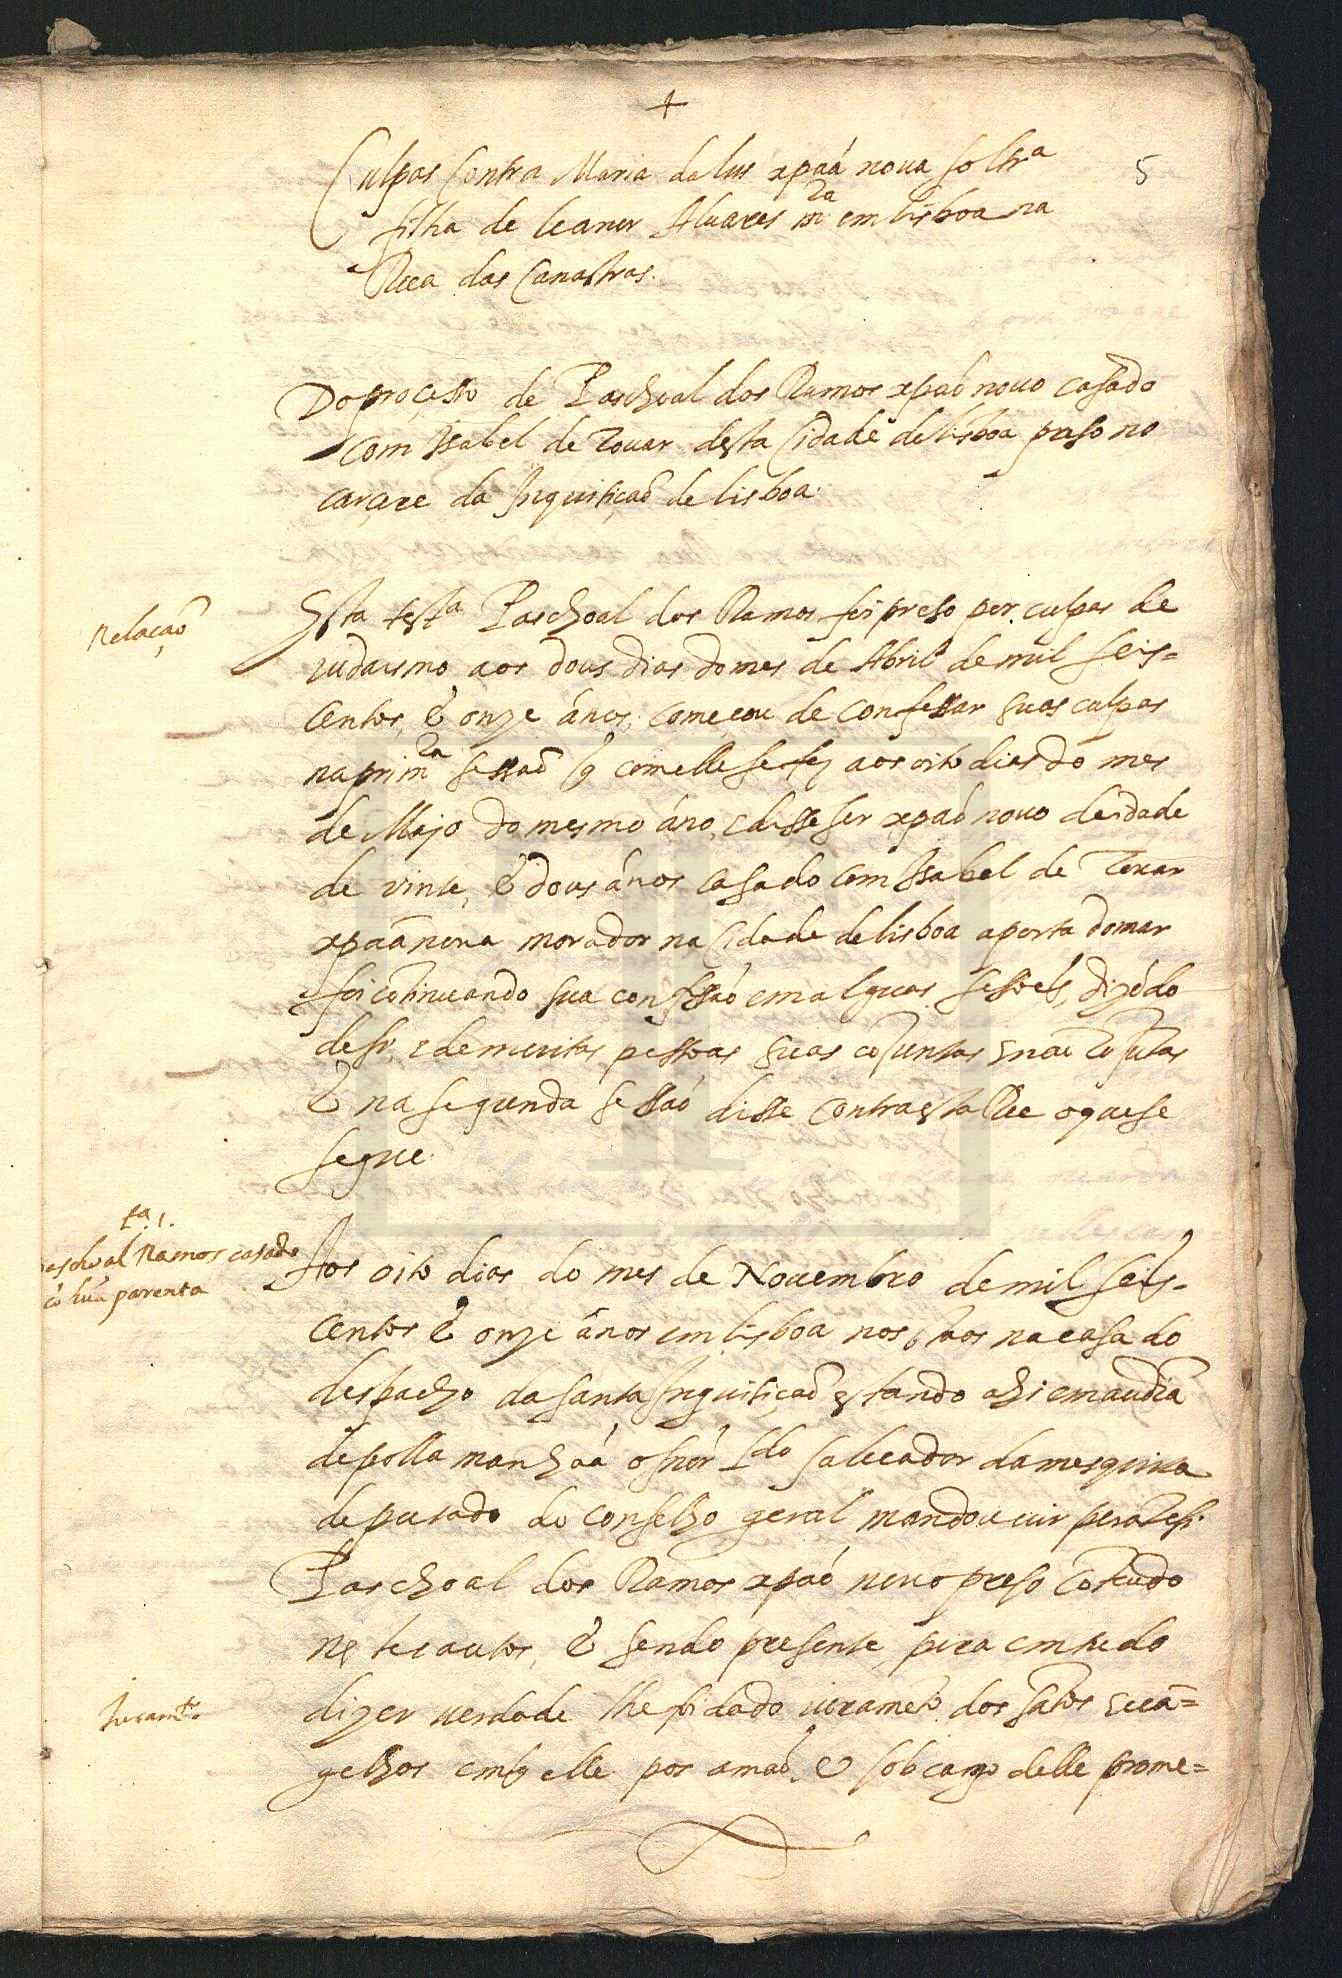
Culpas Contra Maria da lus xpaá noua soltra
filha de Leanor Aluares mra em Lisboa na
Rua das Canastras.
Do proçesso de Paschoal dos Ramos xpaõ nouo casado
com Isabel de Touar desta Cidade de Lisboa preso no
carcere da Jnquisiçaõ de Lisboa.
Esta testa Paschoal dos Ramos foi preso por culpas de
iudaismo aos dous dias do mes de Abril de mil seis
Centos, & onze ānos; começou de confessar suas culpas
na primra sessaõ q̄ com elle se fez aos oito dias do mes
de Majo do mesmo āno, e disse ser xpaõ nouo de idade
de vinte, & dous ānos casado com Jsabel de Touar
xpaã noua morador na Cidade de lisboa a porta do mar
foi cõntinuando sua confissaõ em alguas sessoes̄, dizẽdo
de si, e de muitas pessoas suas cõjuntas e não cõjūtas
& na segunda sessaõ disse contra esta Ree o que se
segue.
Aos oito dias do mes de Nouembro de mil Seis̄
centos & onze ānos em lisboa nos estaos na casa do
despacho da Santa Jnquisiçaõ estando ahi em audiā
de polla manhaã o Snor̄ Ldo Saluador da mesquita
deputado do conSelho geral mandou uir perāte si
Paschoal dos Ramos xpaõ nouo preso cõteudo
nestes autos, & Sendo presente, pera em tudo
dizer uerdade lhe foi dado iuramẽto dos Sãtos Euã
gelhos em q̄ elle pos a maõ e sob cargo delle prome
